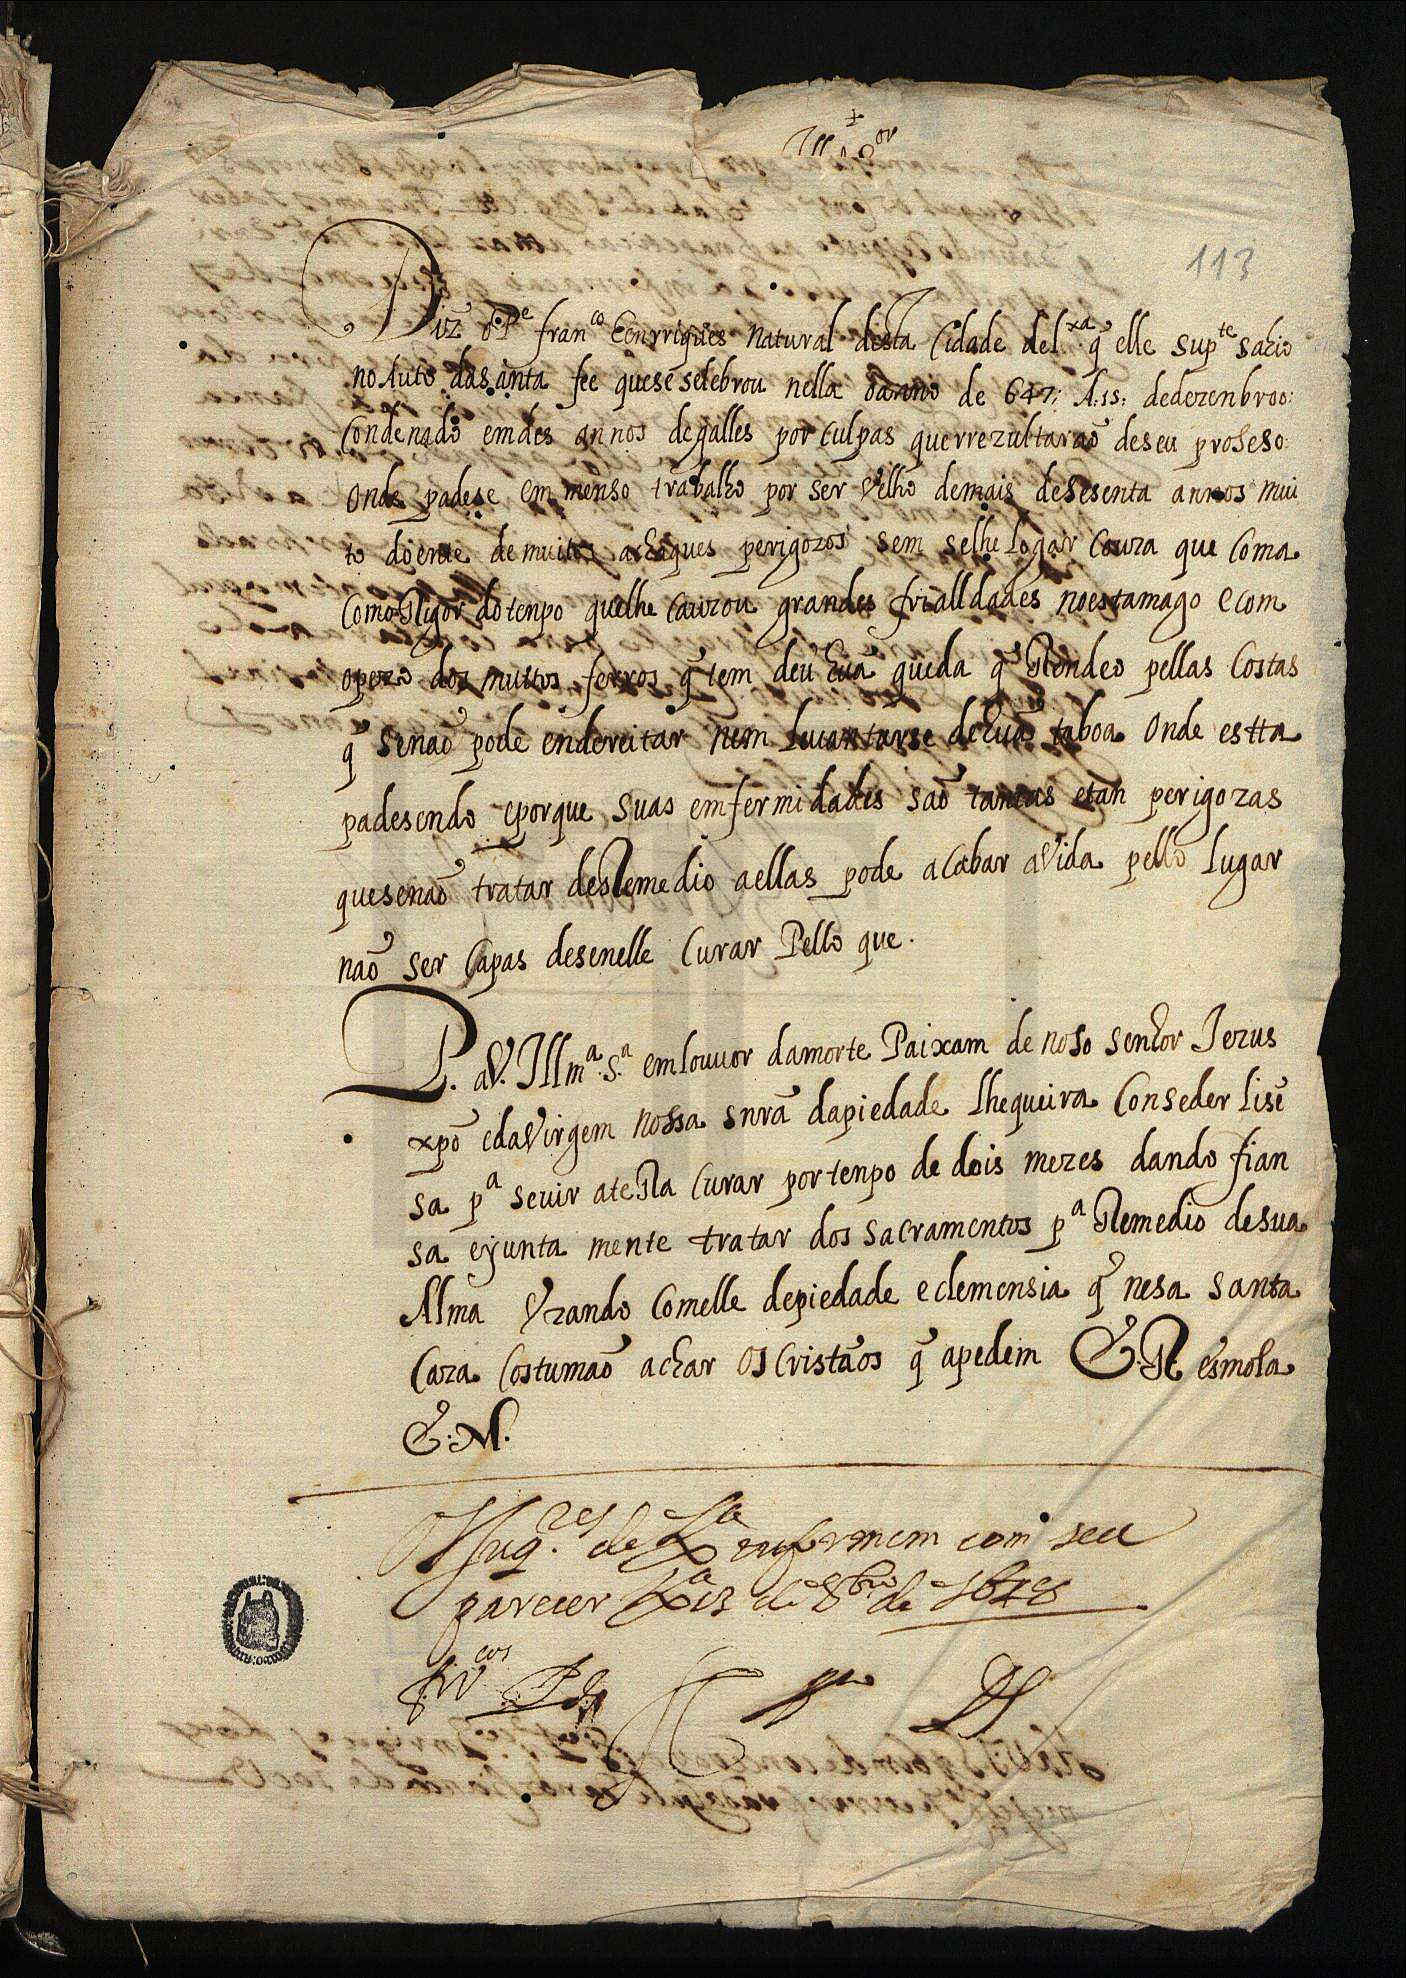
Diz o Pe fran.co henrriques natural desta Cidade de lxa q̄ elle supte sahio
no Auto da santa fee que se selebrou nella o anno de 647. A. 15. de dezenbroo
Condenado em des annos de galles por culpas que rrezultaraõ de seu proseso
onde padese emmenso trabalho por ser velho de mais de sesenta annos mui
to doente de muito achaques perigozos sem se lhe logar couza que Coma
Com o Rigor do tenpo que lhe cauzou grandes frialldades no estamago e com
o pezo dos muitos ferros q̄ tem deu huā queda q̄ Rendeo pellas Costas
q̄ se naõ pode endereitar nem Leuantarse de huā taboa onde estta
padesendo e porque suas emfermidades saõ tantas e tan perigozas
que se naõ tratar de Remedio a ellas pode acabar a vida pello lugar
naõ ser Capas de se nelle curar Pello que.
P. a V. Illm.a S.a em louuor da morte Paixam de noso senhor Iezus
xpō e da Virgem nossa snrā da piedade lhe queira Conseder Lisē
sa pa se uir a testa curar por tempo de dois mezes dando fian
sa e yuntamente tratar dos sacramentos ꝑa Remedio de sua
Alma Vzando com elle de piedade e clemensia q̄ nesa santa
Caza Costumaõ achar os cristãos q̄ a pedem E. R esmola
E. M.
Os Jnq.res de Lx.a informem com seu
parecer Lxa 13 de 8bro. de 1648
